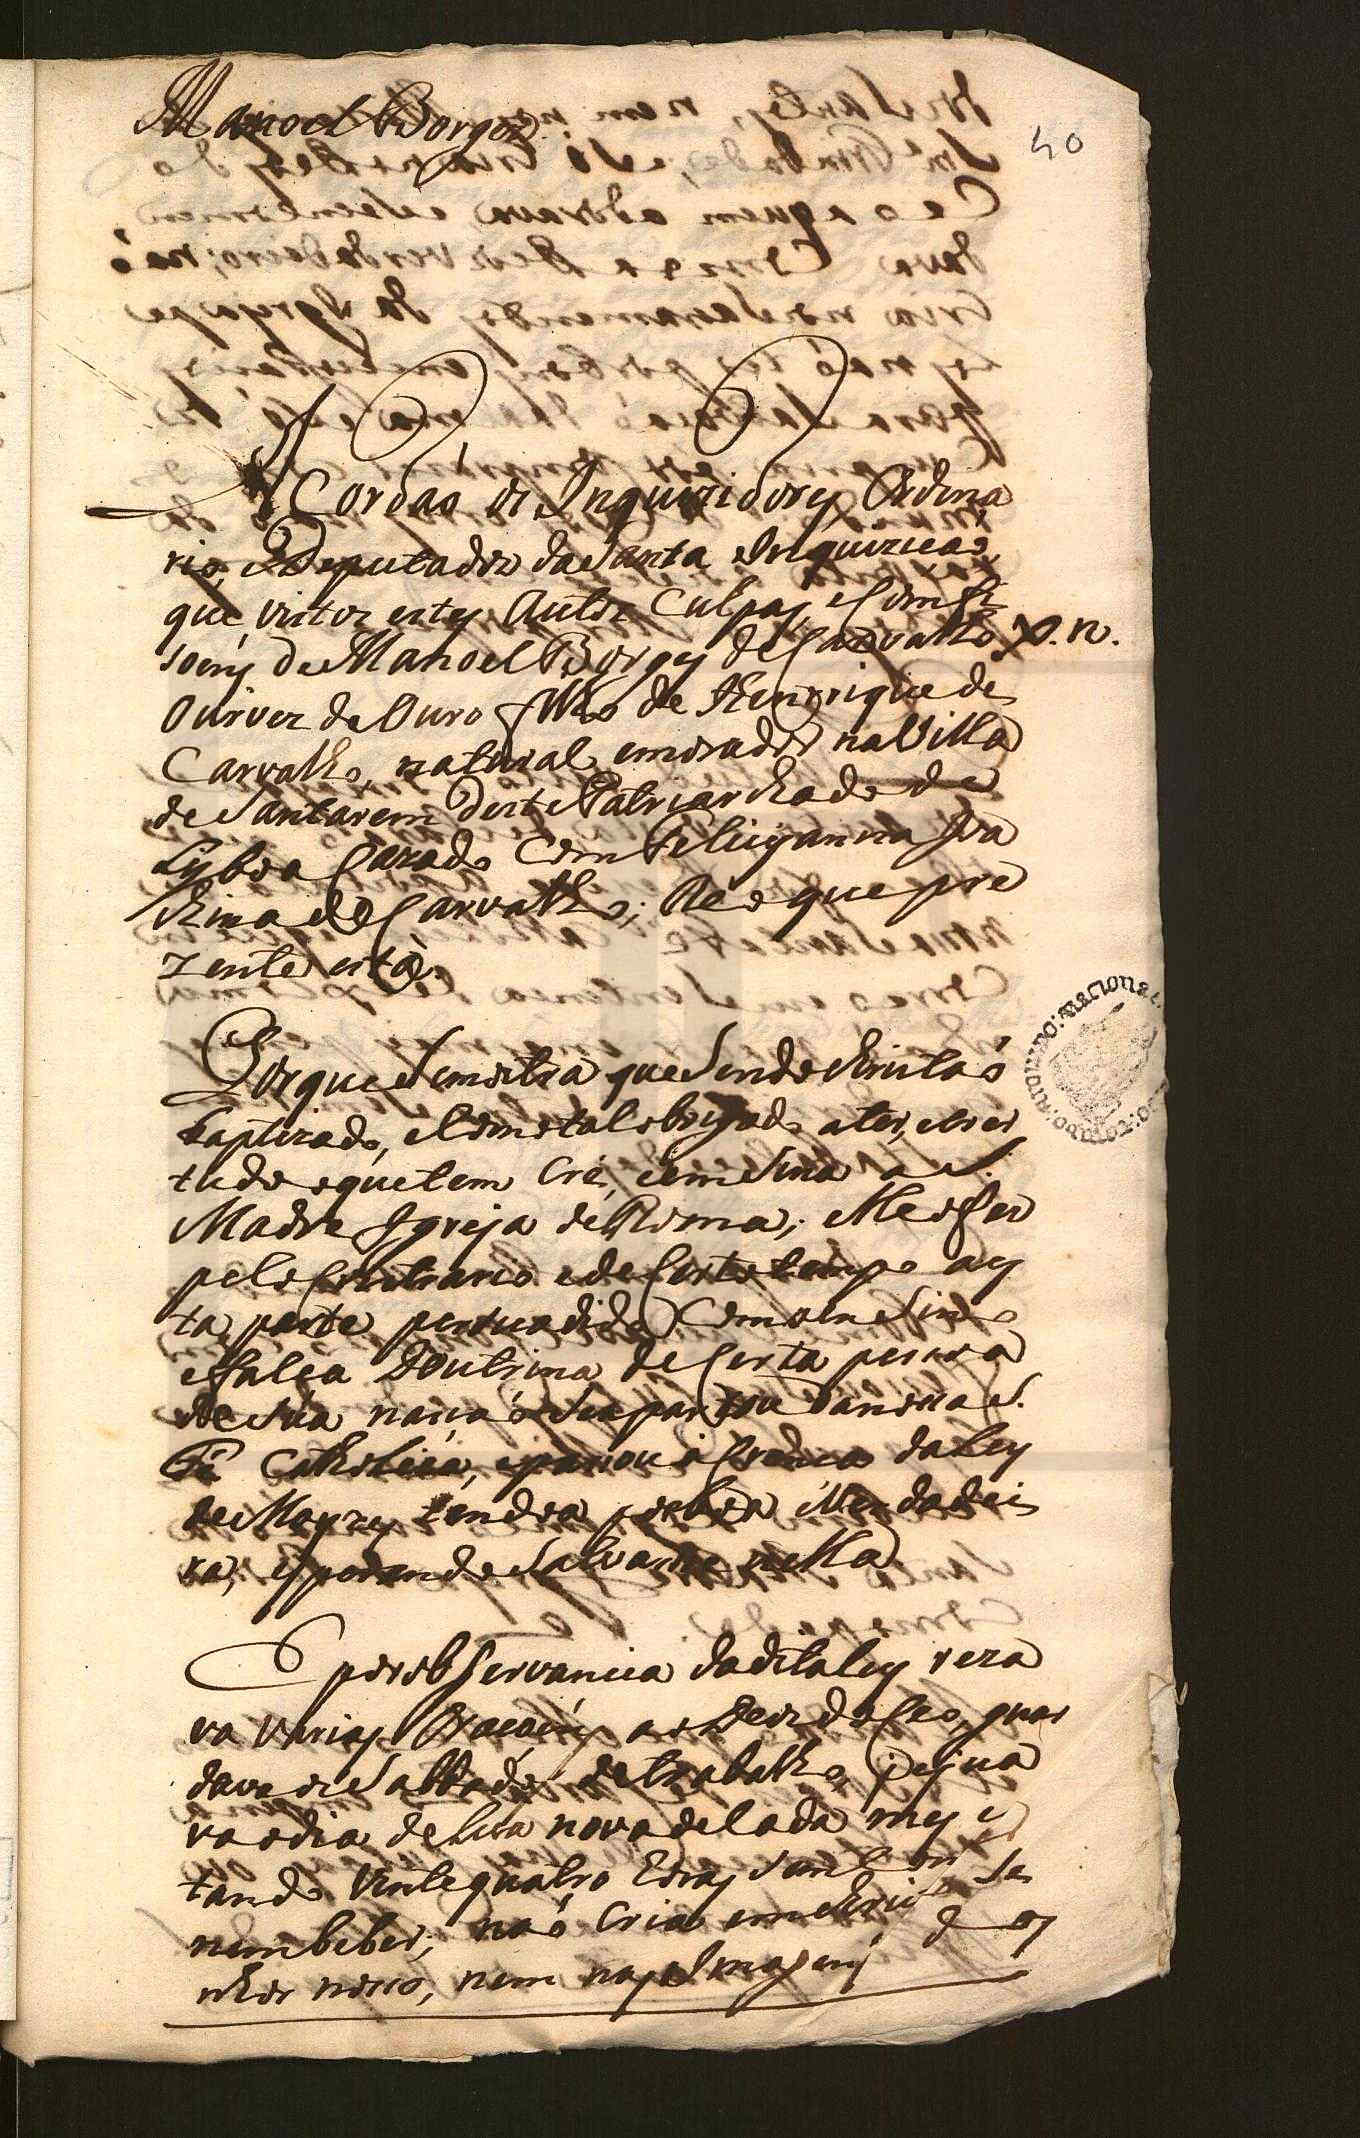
Manoel Borgez
Acordaõ os Inquizidores Ordina
rio e Deputados da Santa Inquiziçaõ
que vistoz estes autos Culpas, e Comfi
soens de Manoel Borges de Carvalho x. n.
Ourivez de Ouro filho de Henrrique de
Carvalho, natural e morador na villa
de Santarem deste Patriarchado de
Lisboa Cazado com Felicyania Joa
china de Carvalho; Reo que pre
zente està.
Porque se mostra que sendo christaõ
baptizado, e como tal obrigado a ter, e crer
tudo o que tem cré, e emsina a S.
Madre Jgreja de Roma; elle o fez
pelo Contrario e de Certo tempo a es
ta parte persuadido com o ensino
e falça Doutrina de Certa pessoa
de sua nasçaõ se apartou da nossa S.
Fé Catholica, e passou a Crença da Ley
de Moyzes tendoa por boa e uerdadei
ra, esperando salvarsse nella
E por observancia da dita ley reza
va varias Oraçoens ao Deos do Ceo, guar
dava os Sabbados de trabalho jejua
va o dia de lua nova de Cada mes e
tando vinte quatro horas sem Com
nem beber; naõ cria em christ_ se
nhor nosso, nem nas almas ens_ dos
